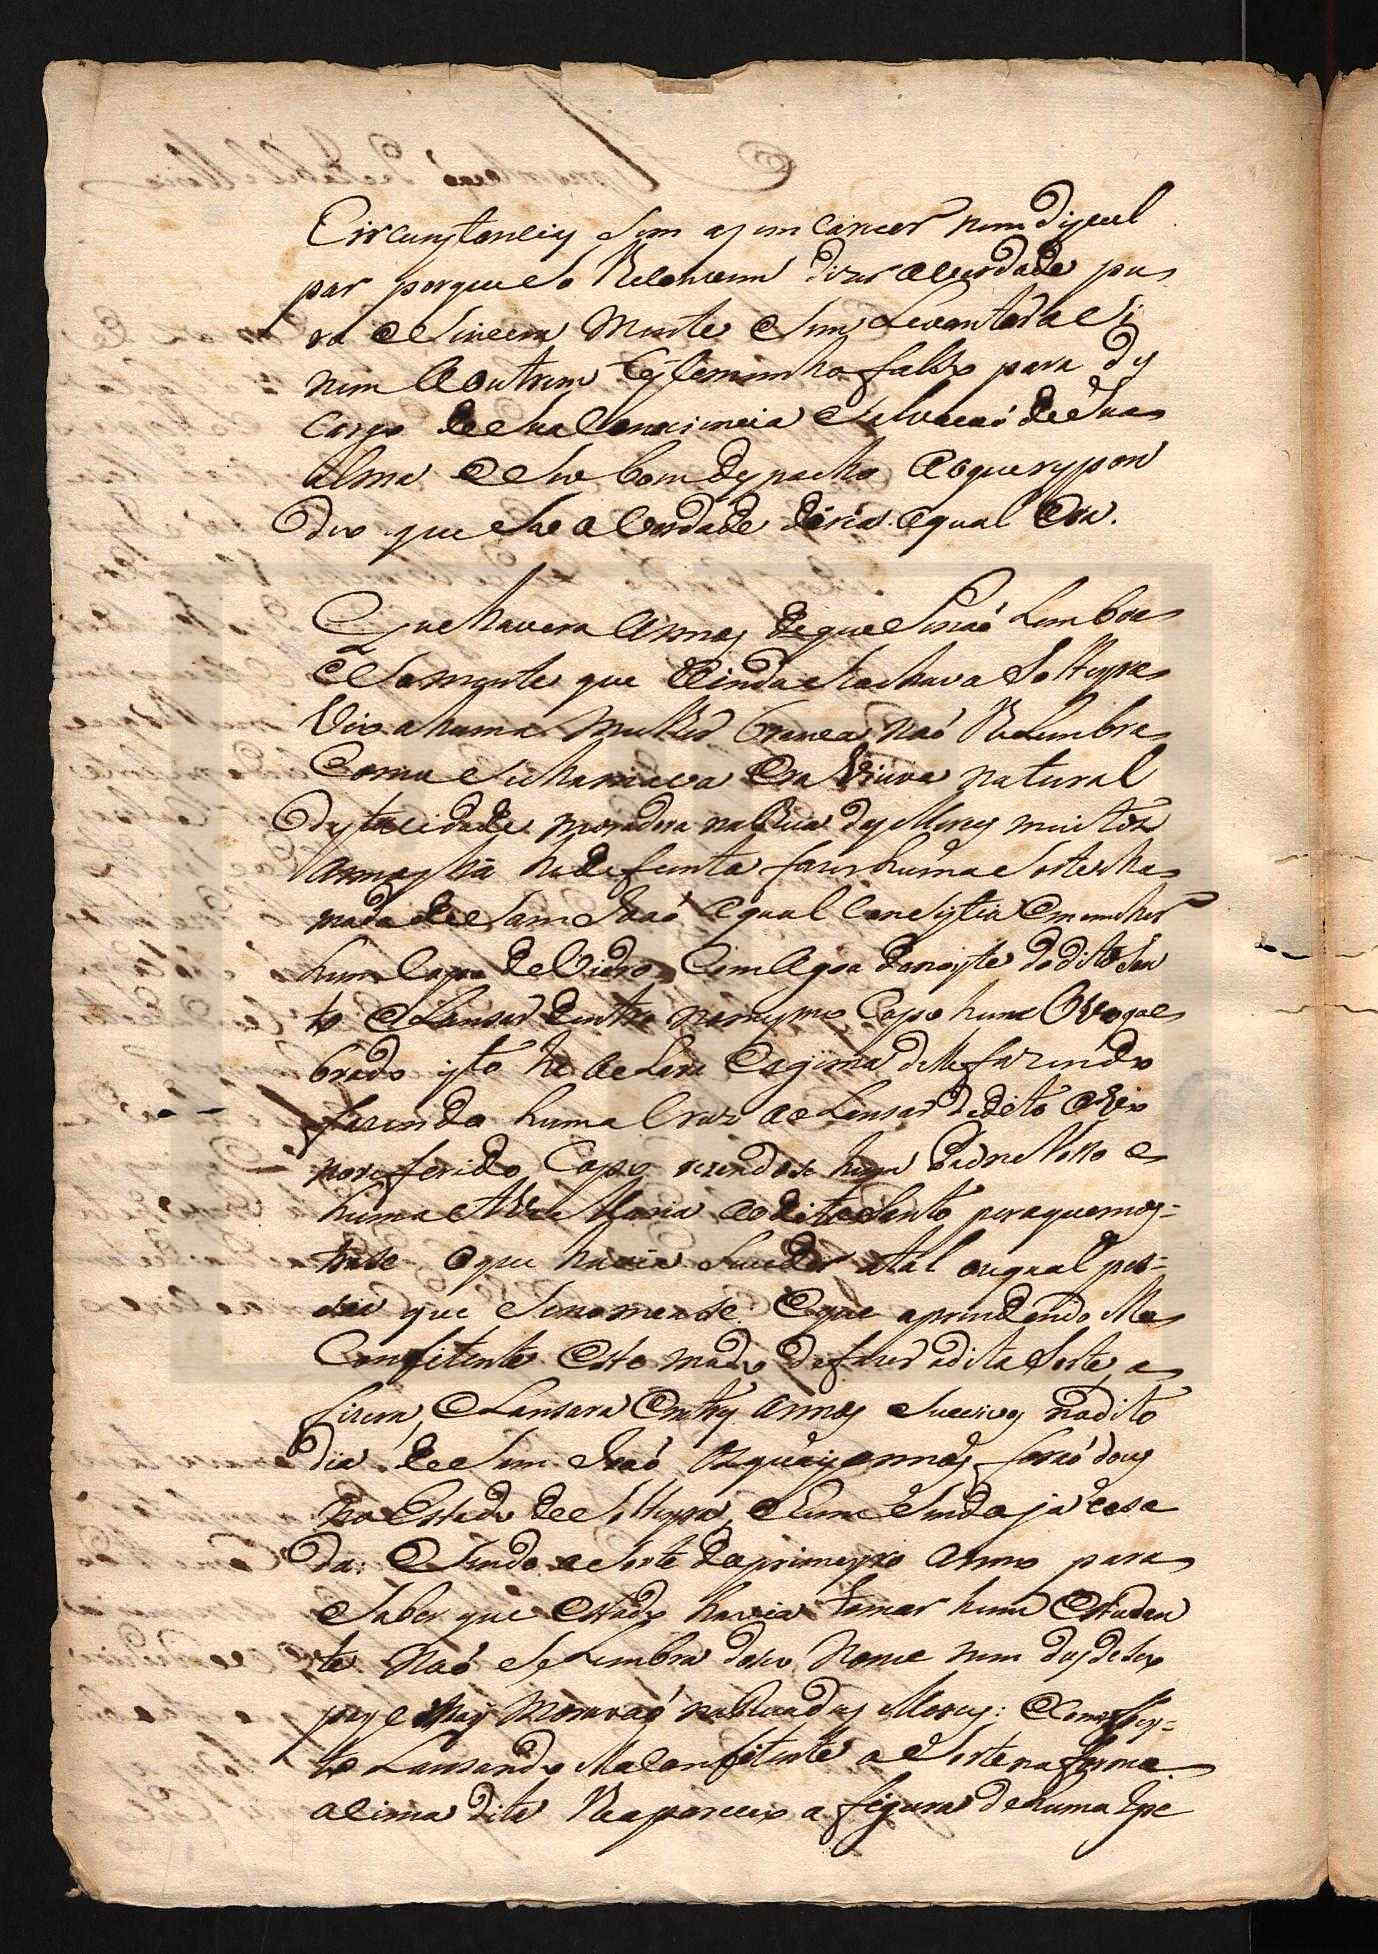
Circunstancias sem as emcarecer nem discul
par porque so lhe convem dizer a verdade pa
ra e Sinceramente Sem Levantar a si
nem a outrem testemunho falso para des
cargo de sua consciencia salvacaõ de sua
alma e Seo bom despacho ao que respon
deo que so a verdade diria a qual era.
Que hauera annos de que Se naõ Lembra
e Somente que ainda Se achava Solteyra
Vio a huma Mulher branca naõ lhe Lembra
Como se chamava era Viuva natural
desta cidade moradora na Rua das Merces muitoz
annos há he defunta fazer huma sorte cha
mada de Sam Ioaõ a qual consistia em emcher
hum Copo de Vidro Com Agoa da noyte do dito San
to e Lansar dentro no mesmo Copo hum Ovo que
brado isto he a cLara e a gema delle fazendo
fazendo huma Cruz ao Lansar de dito Ovo
no referido Copo rezendose hum Padre Nosso e
huma Ave Maria ao dito Santo pera que mos
trase o que havia suceder tal ou qual pes
soa que se nomease e que aprendendo ella
Confitente este modo de fazer a dita Sorte, a
fizera, e Lansara em tres annos sucesivos no dito
dia de Sam Ioaõ Oz quais annos foraõ dous
no Estado de Solteyra, e hum sendo ja casa
da: Sendo a sorte do primeyro anno para
Saber que estado havia tomar hum estudan
te naõ se Lembra do seu nome nem dos de seu
pay e May moravaõ na Rua das Merces: e com effey
to Lansando ella confitente a Sorte na forma
acima dita lhe apareceo a figura de huma Igre
